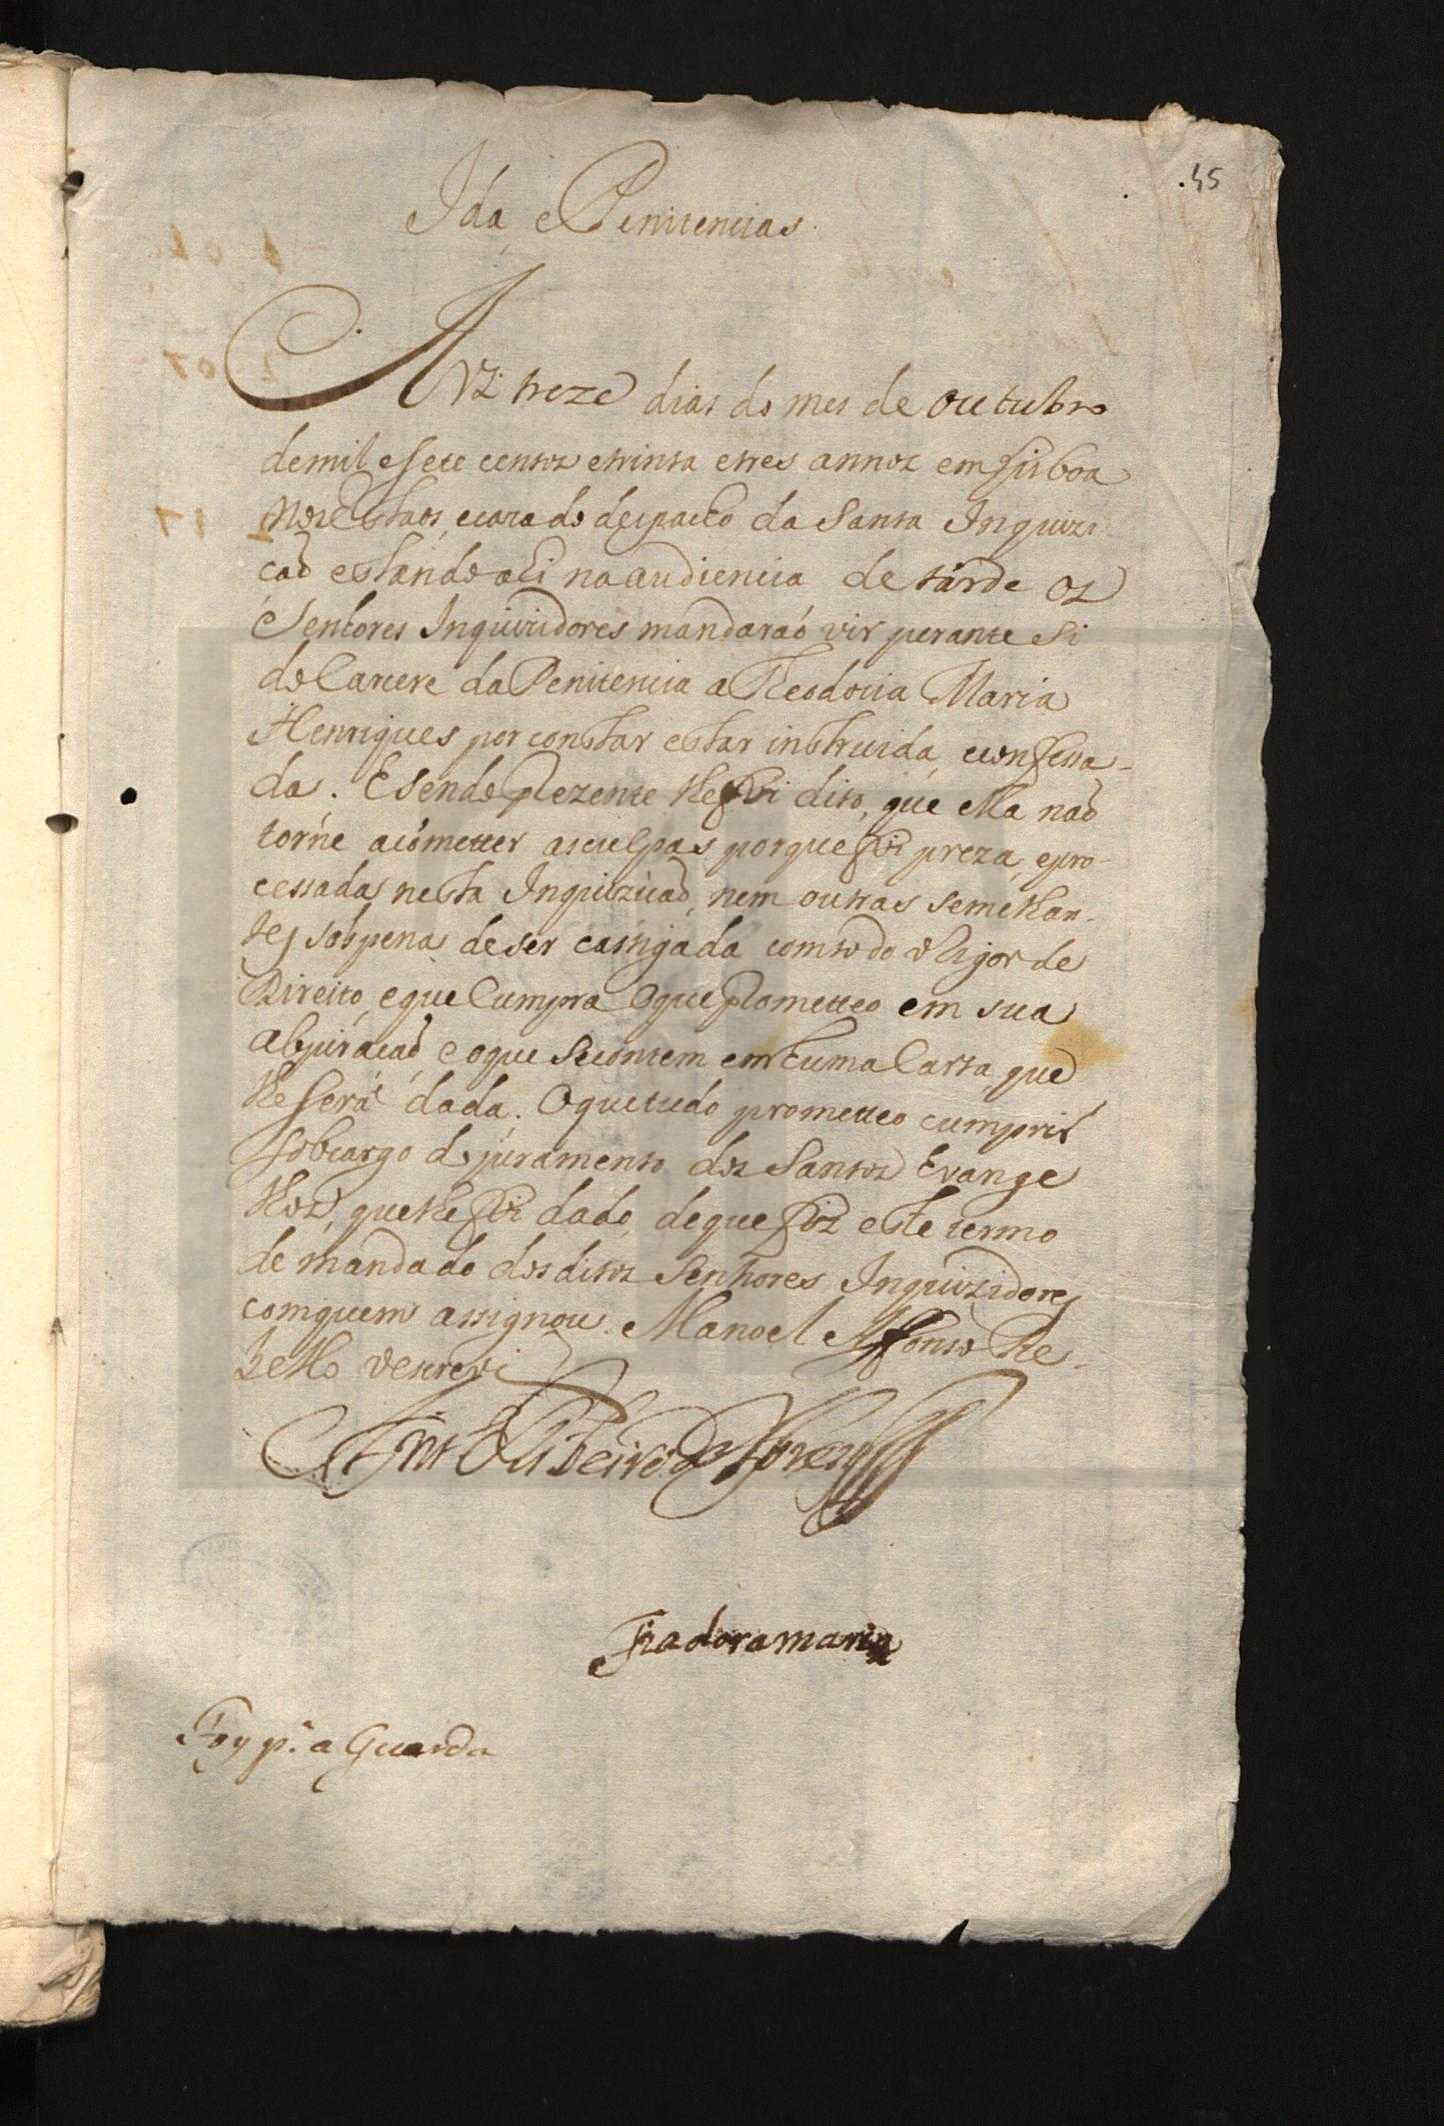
Ida e Penitencias
Aoz treze dias do mes de outubro
de mil e setecentos e trinta e tres annoz em Lisboa
nos estaos, e caza do despacho da Santa Inquizi
çaõ estando ahi na audiencia de tarde os
Senhores Inquizidores mandaraõ vir perante Si
do Carcere da Penitencia a Theodocia Maria
Henriques por constar estar instruida, e confessa
da; E sendo pRezente lhe foi dito, que ella naõ
torne a cōmetter as culpas porque foi preza, e pro
cessada nesta Inquiziçaõ, nem outras semelhan
tes sob pena de ser castigada com todo o Rigor de
Direito, e que Cumpra o que pRometteo em sua
abjuraçaõ, e o que se contem em huma Carta, que
lhe será dada. O que tudo prometteo cumprir
sob cargo do juramento dos Santos Evange
lhos, que lhe foi dado, de que fiz este termo
de mandado dos ditos senhores Inquizidores
com quem assignou Manoel Affonso Re
bello o escrevi
Ant Ribeiro de Abreu
Fiadora maria
Foy p.a a Guarda
